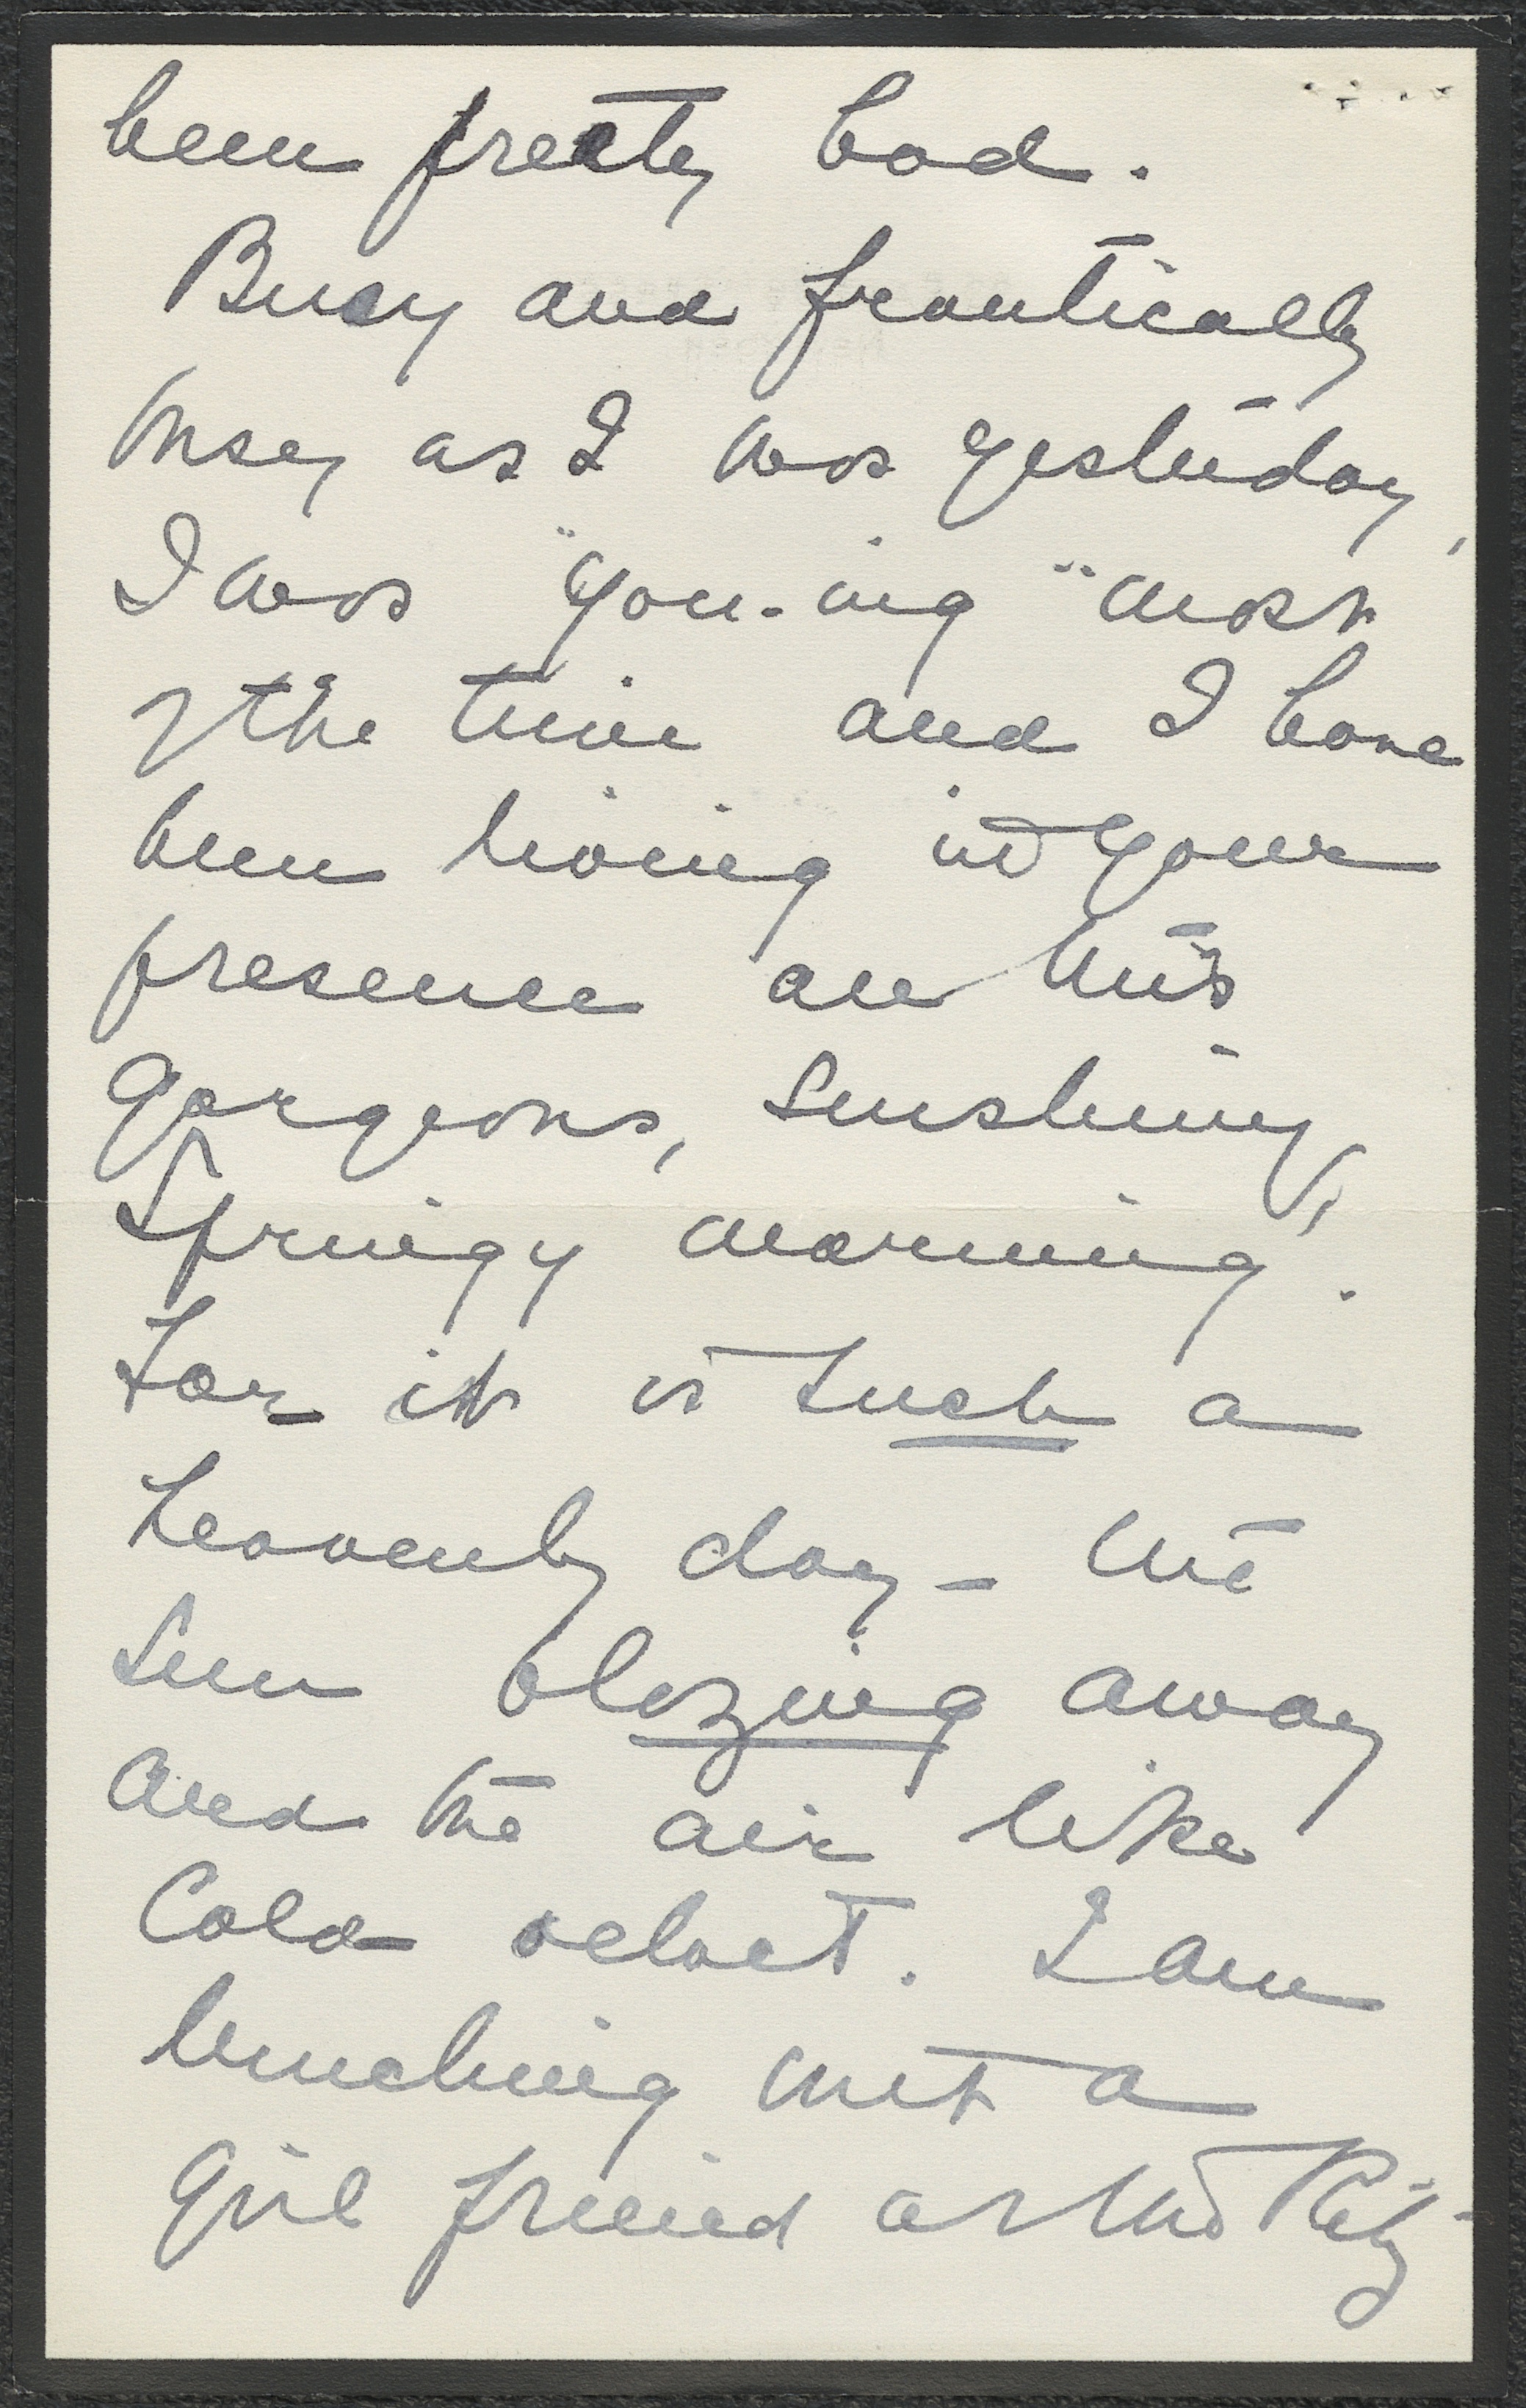been pretty bad.
Busy and frantically busy as I was yesterday, I was “you-ing” most of the time and I have been living in your presence all this gorgeous, sunshiney, springy morning. For it is such a heavenly day – the sun blazing away and the air like cold velvet. I am lunching with a girl friend at the Ritz